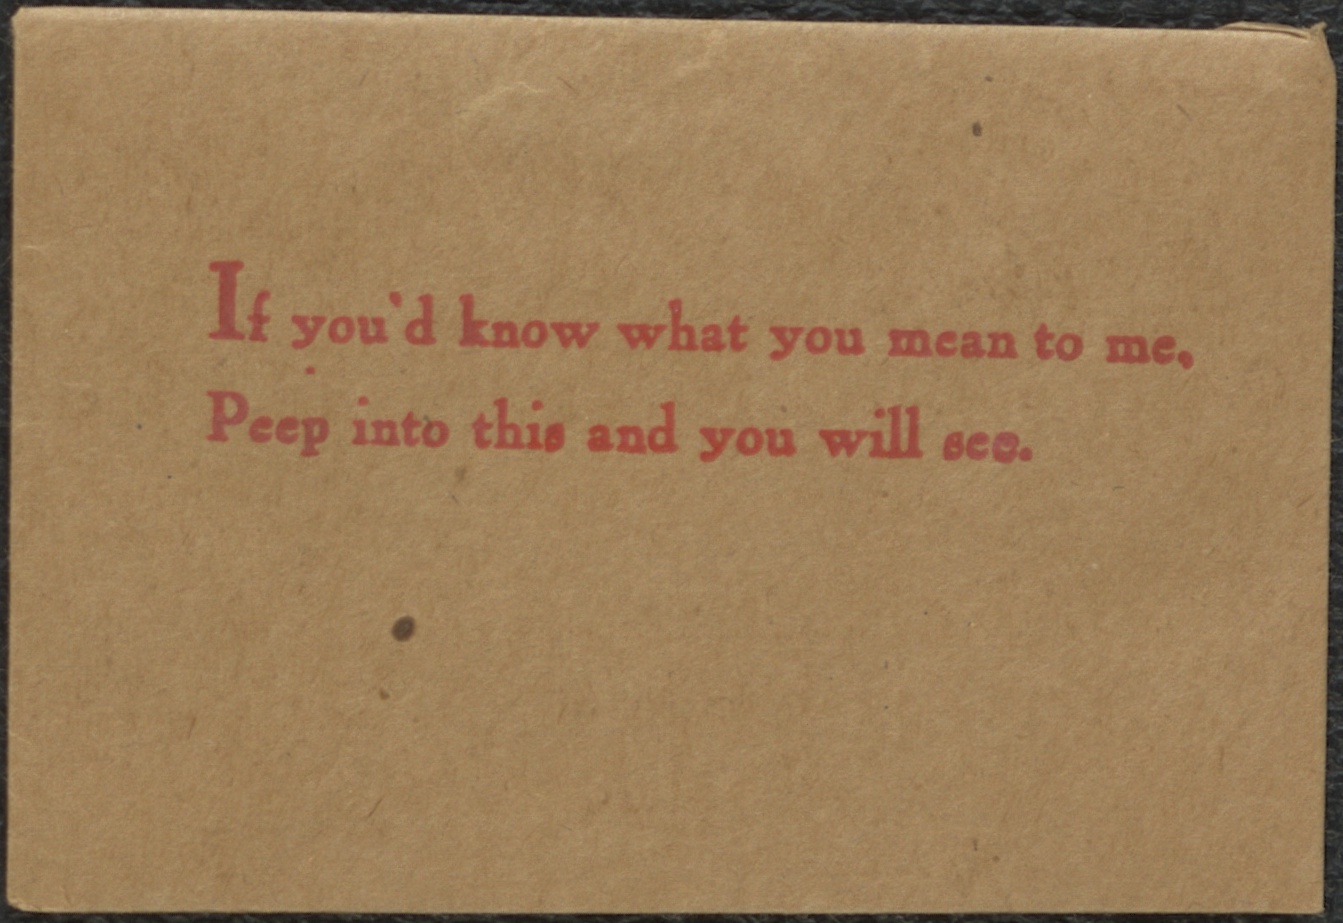[6]
If you’d know what you mean to me,
Peep into this and you will see.